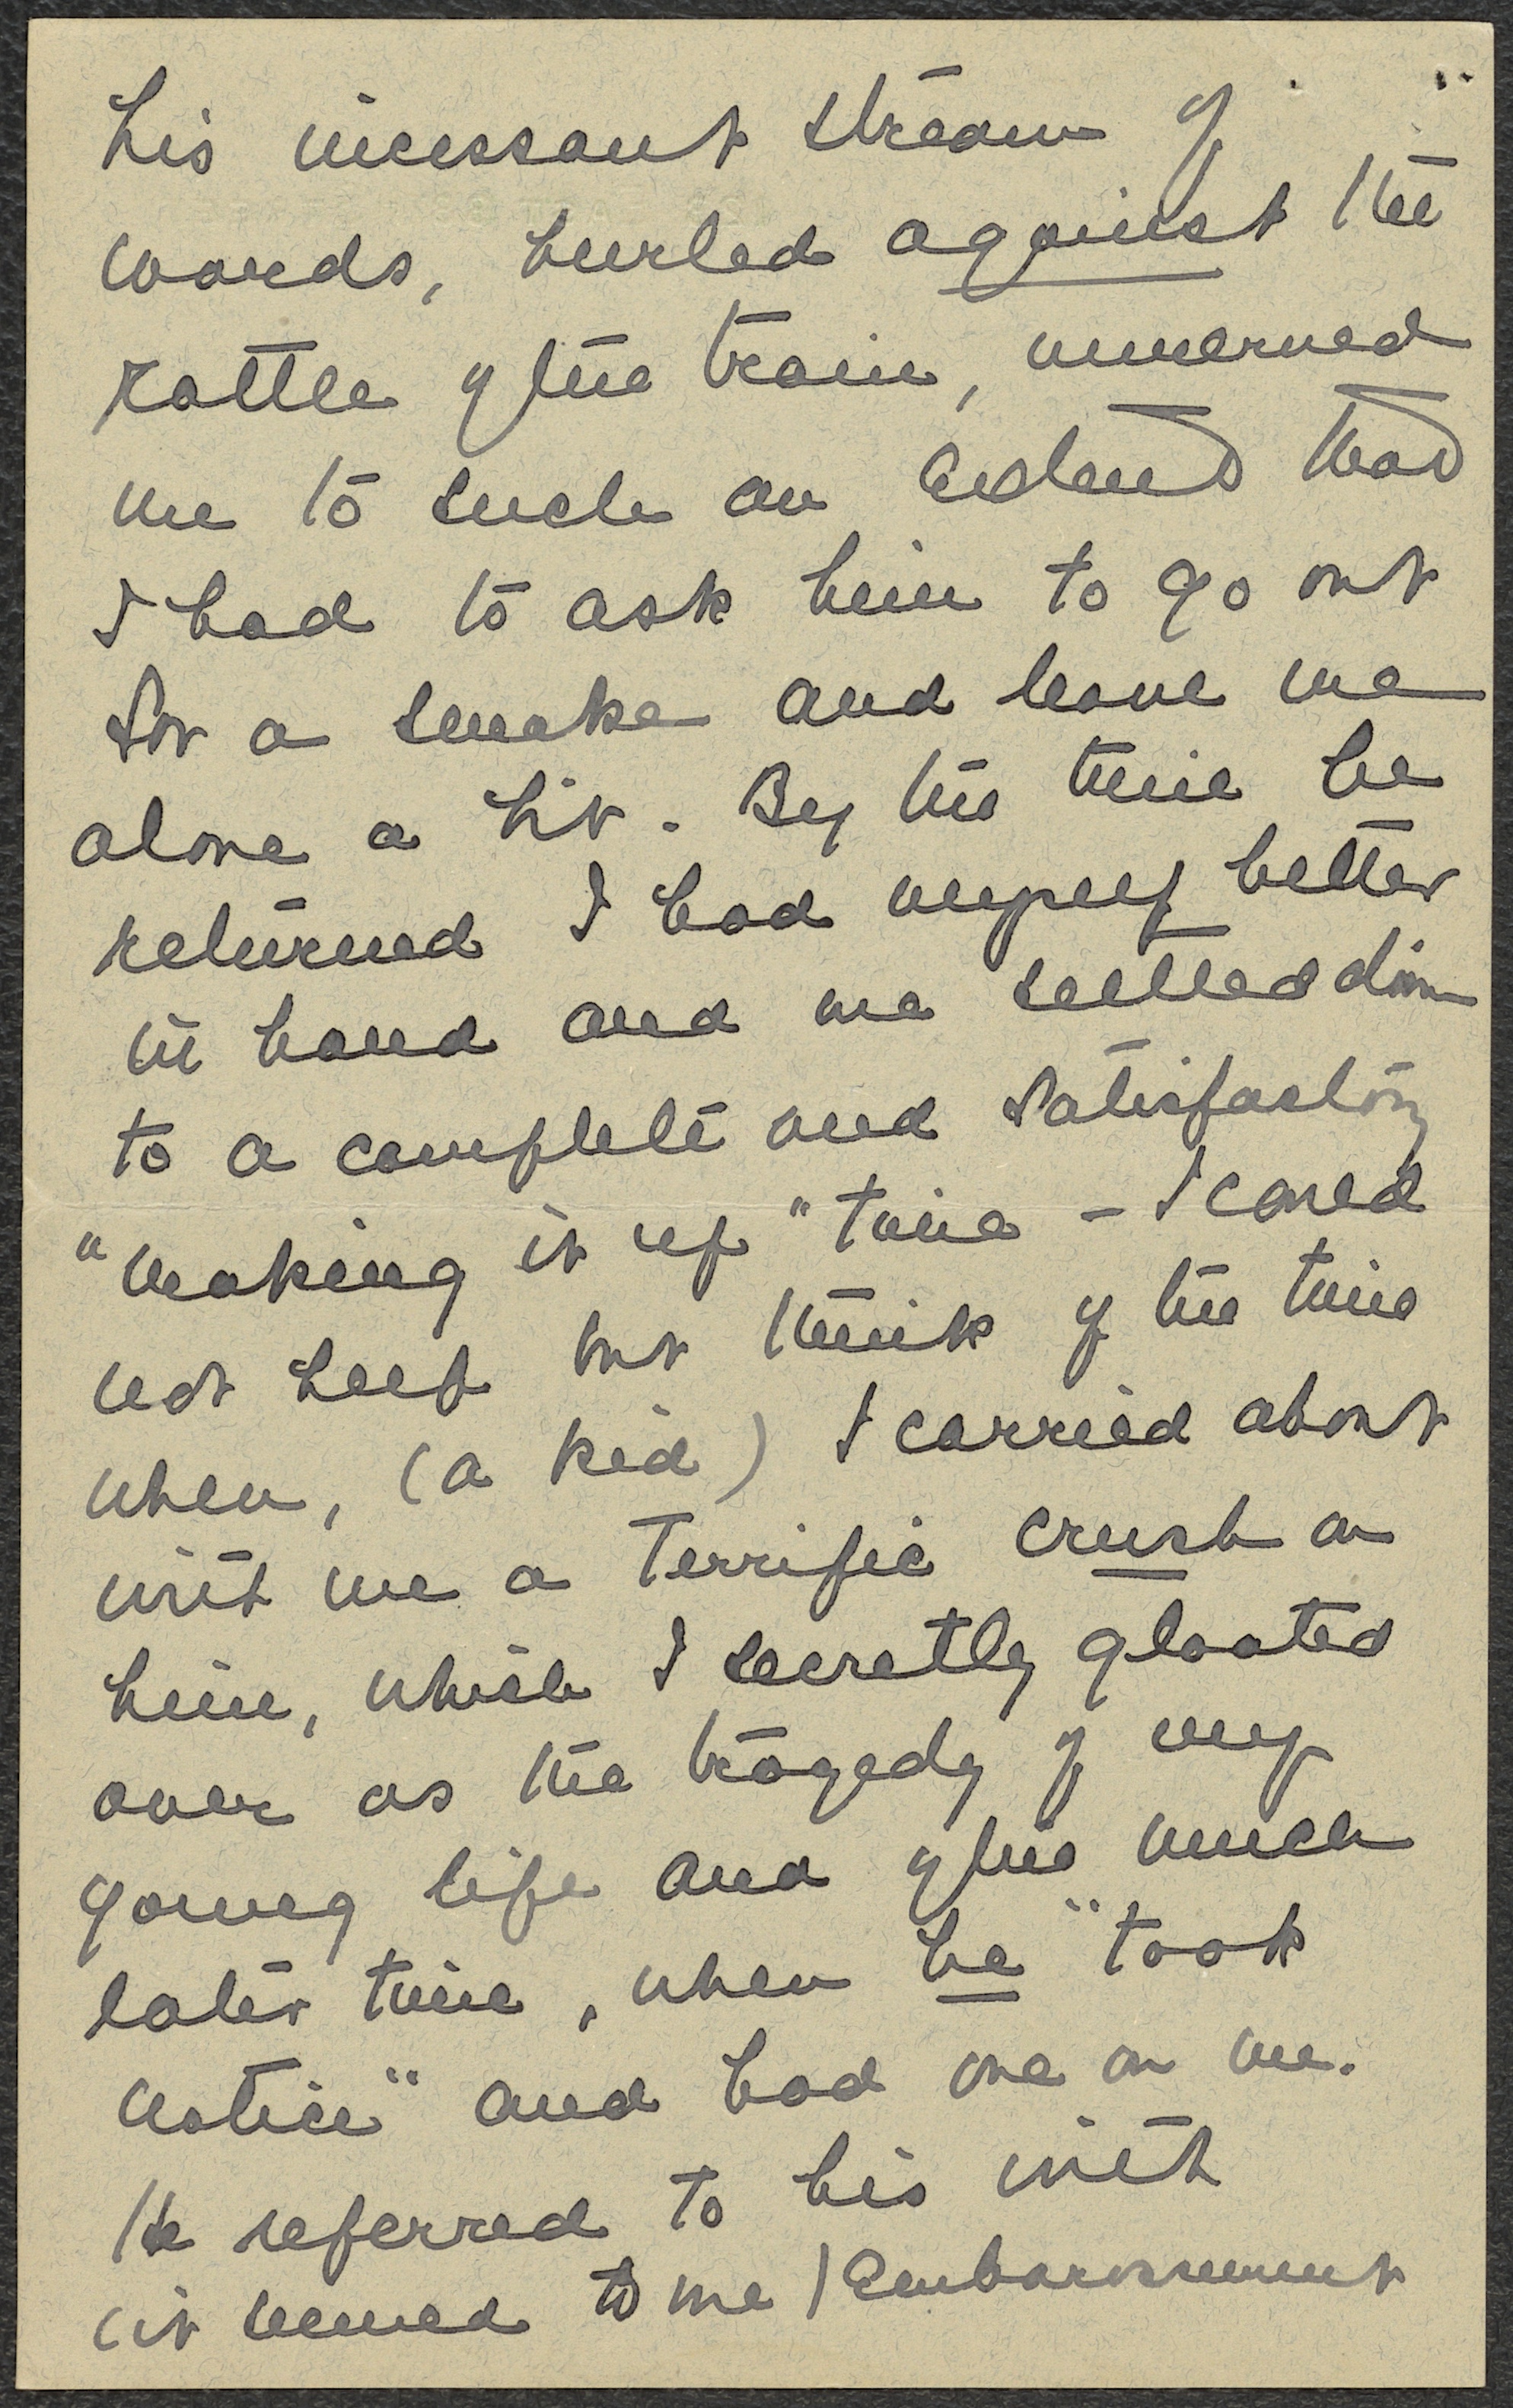his incessant stream of words, hurled against the rattle of the train, unnerved me to such an extent that I had to ask him to go out for a smoke and leave me alone a bit. By the time he returned I had myself better in hand and we settled down to a complete and satisfactory “making it up” time – I could not help but think of the time when, (a kid) I carried about with me a Terrific crush on him, which I secretly gloated over as the tragedy of my young life and of the much later time, when he “took notice” and had one on me.
He referred to his with (it seemed to me) embarrassment